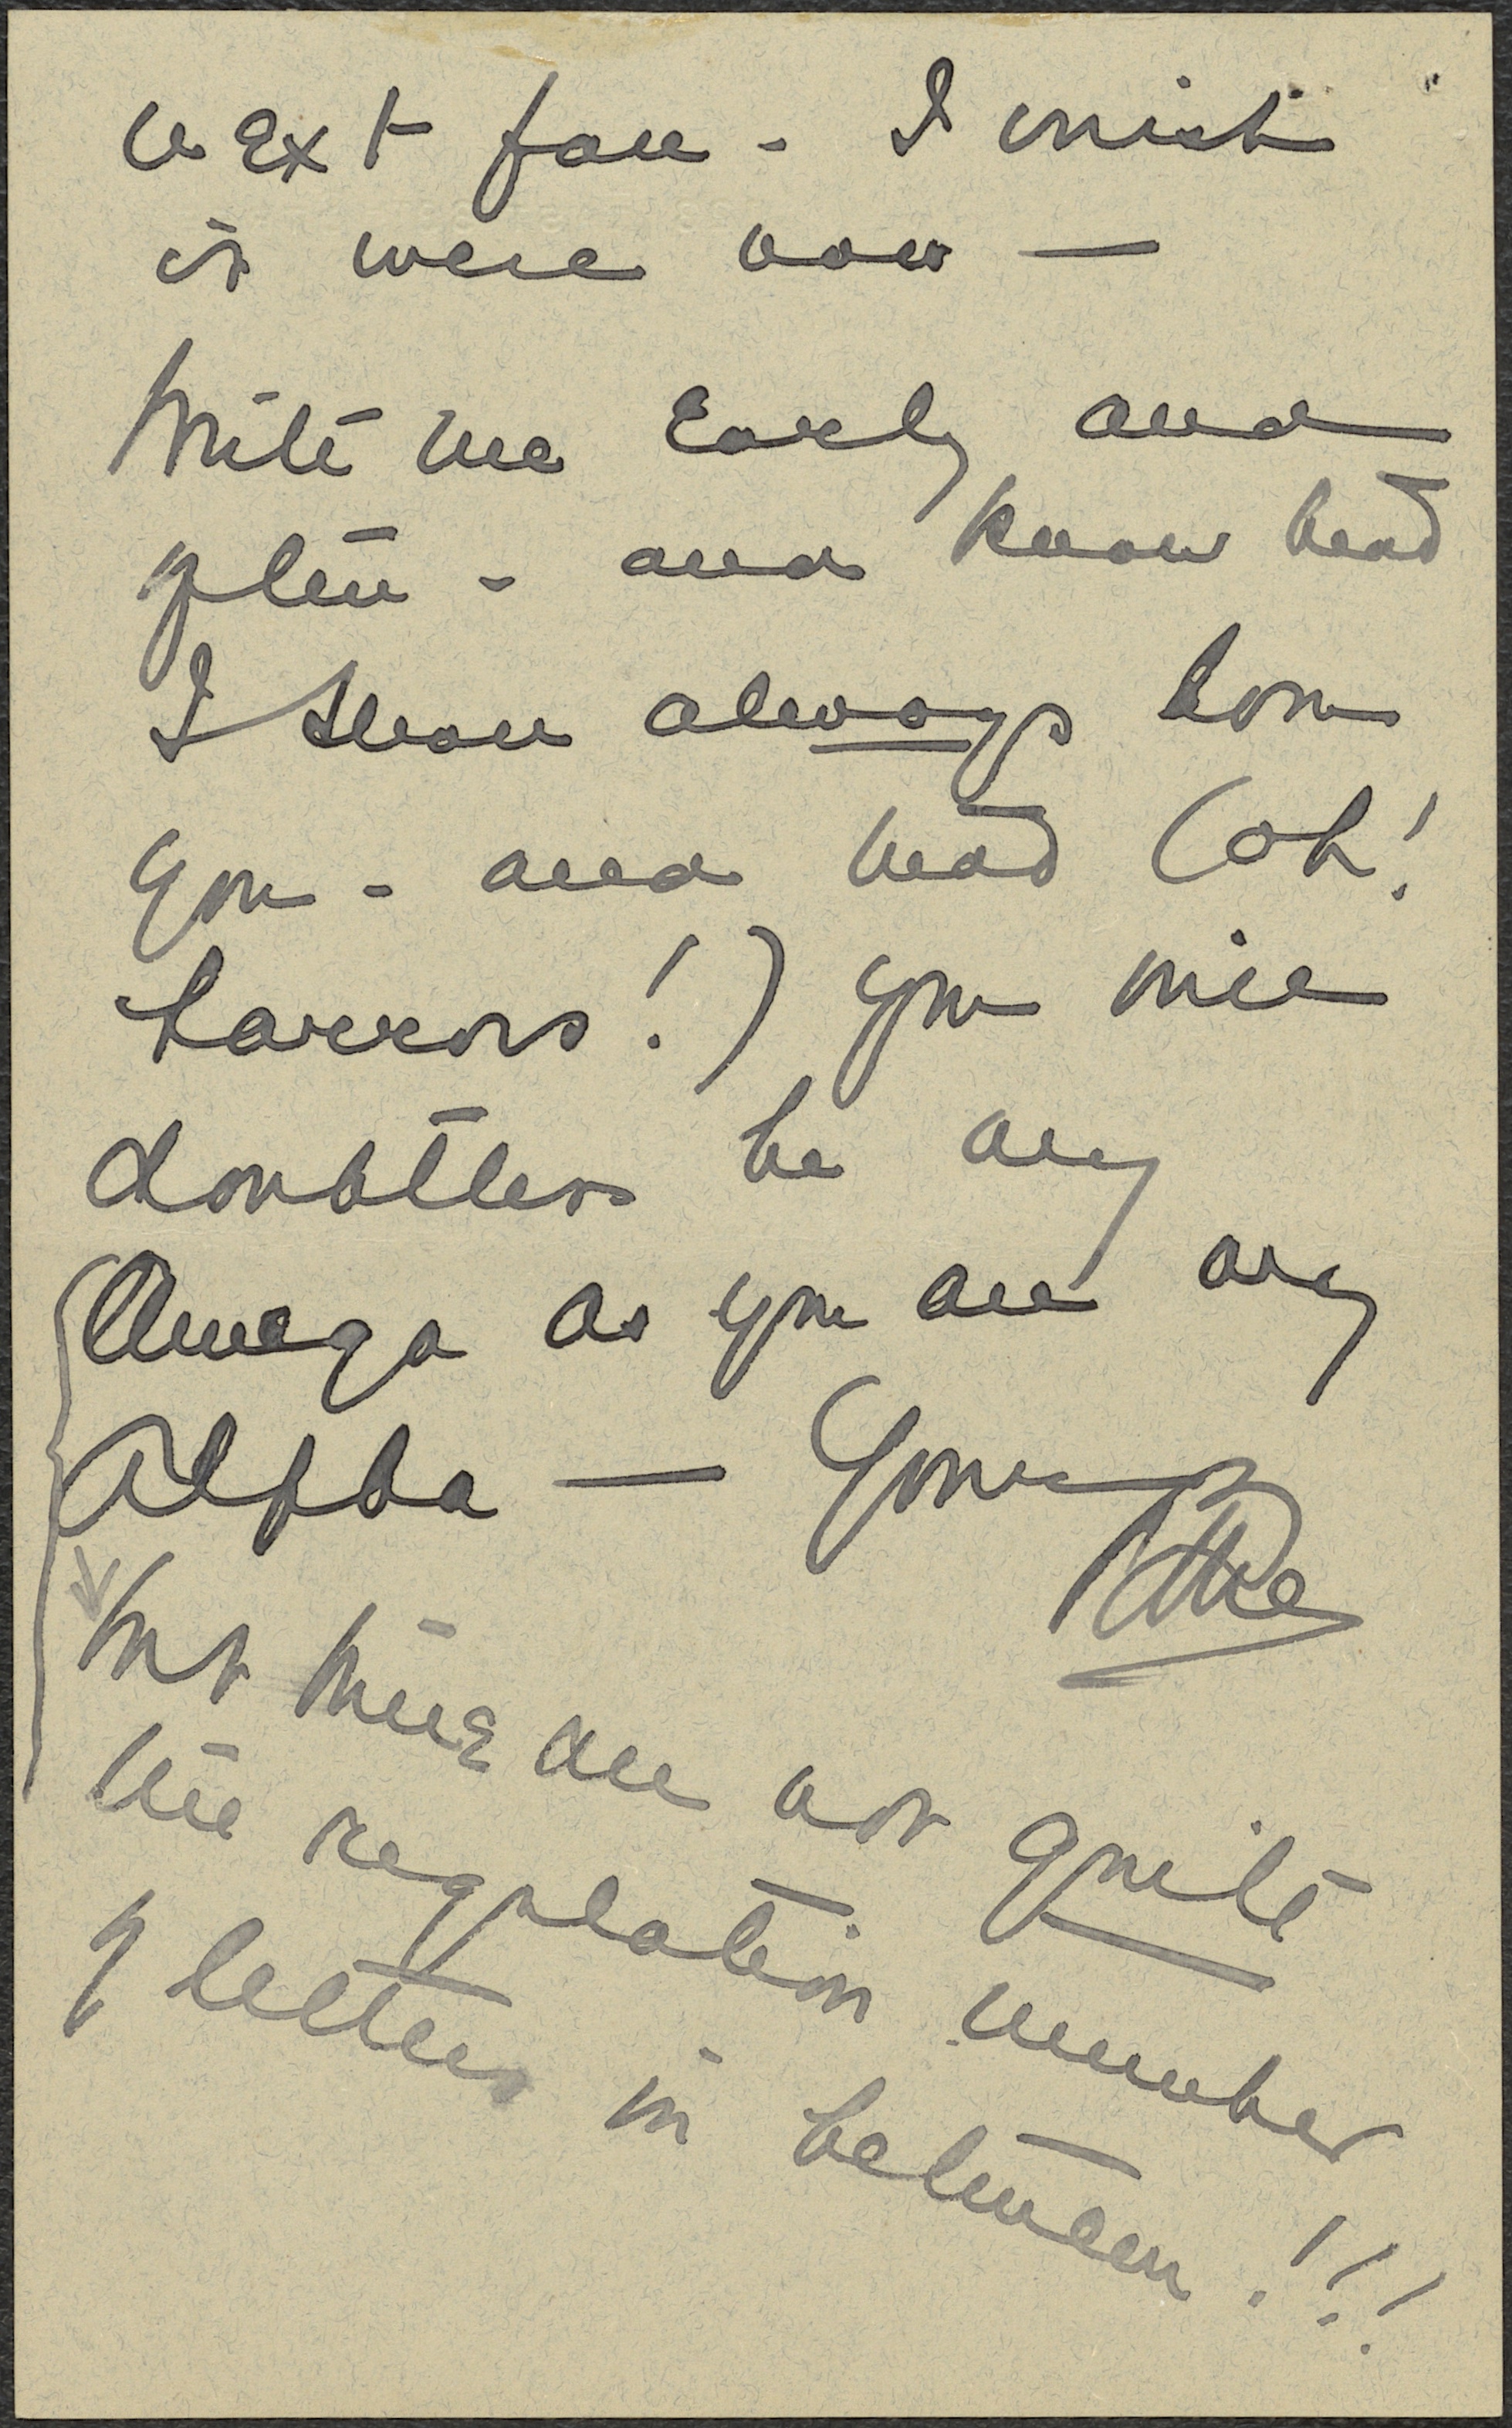next fall – I wish it were now –
Write me early and often – and know that I shall always love you – and that (oh! horrors!) you will doubtless be my Omega as you are my Alpha – Your Belle
[Note: brackets around "Omega" and "Alpha," with arrow pointing from "Alpha" to a postscript underneath "Belle": but there are not quite the regulation number of letters in between!!!]